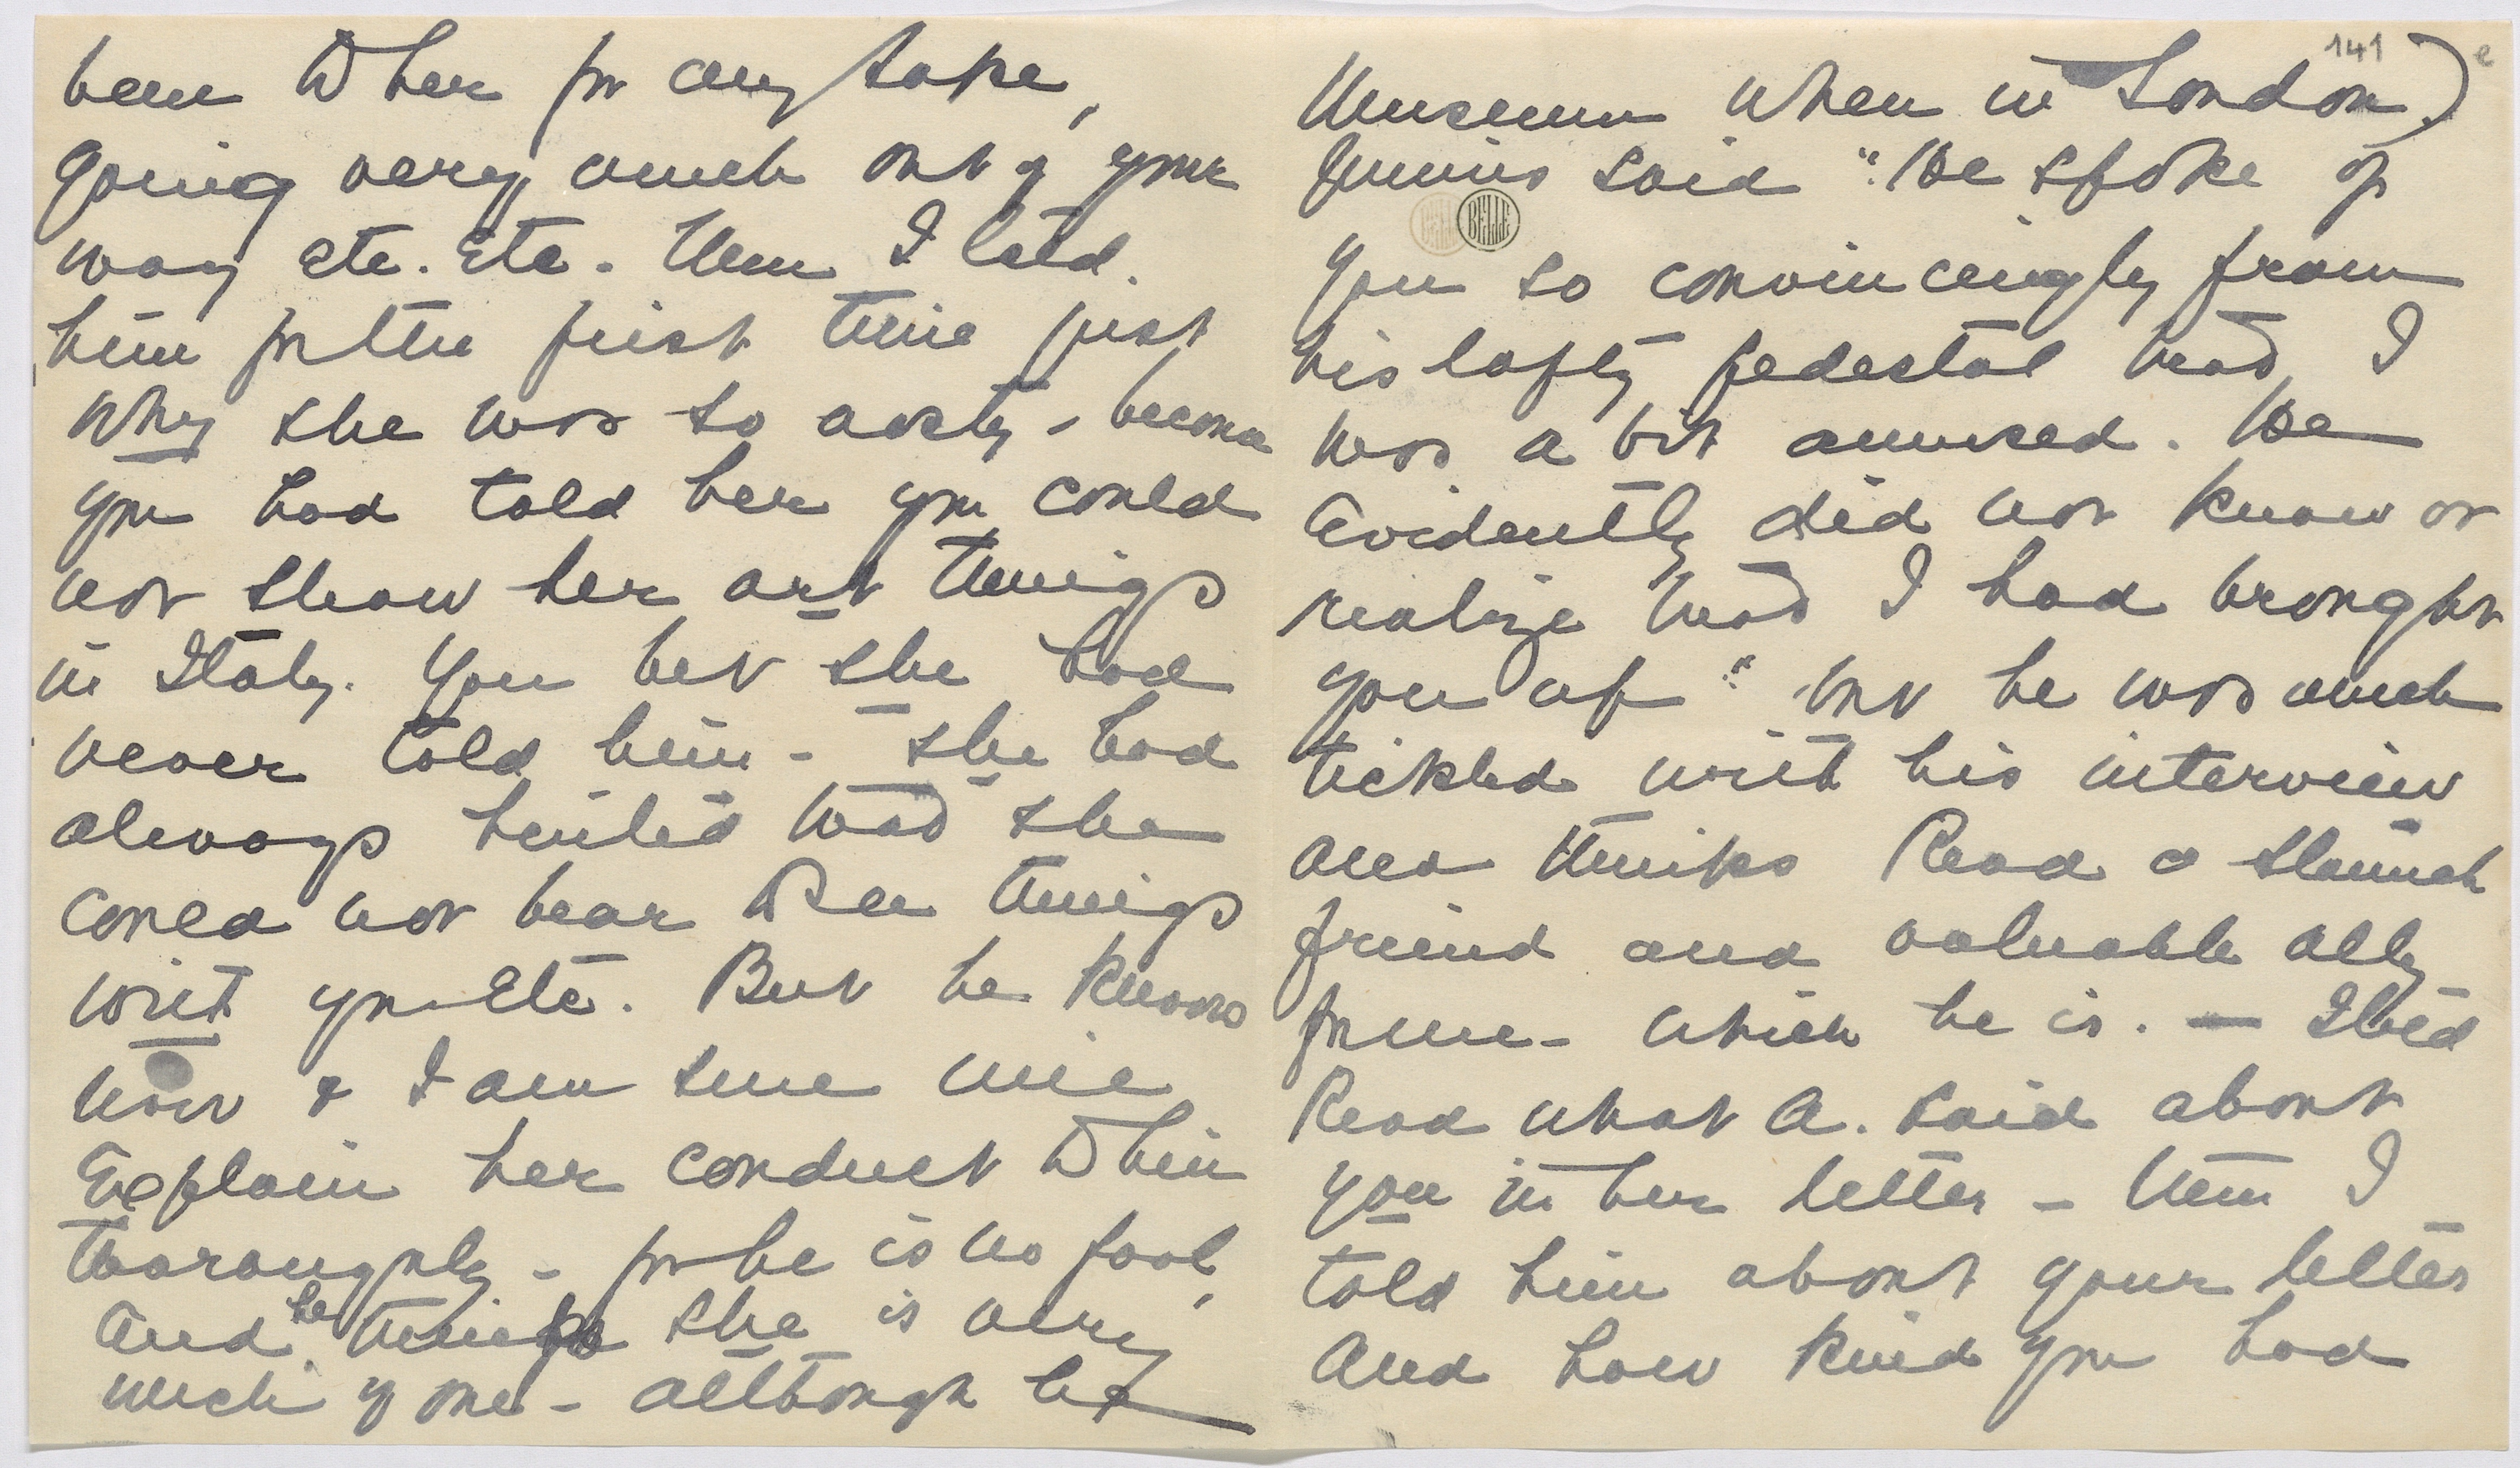Museum when in London.) Junius said “He spoke of you so convincingly from his lofty pedestal that I was a bit amused. He evidently did not know or realize that I had brought you up but he was much tickled with his interview and thinks Read a staunch friend and valuable ally – for me – which he is. – I told Read what A. said about you in her letter – then I told him about your letter and how kind you had
been to her for my sake going very much out of your way etc. etc. When I told him for the first time just why she was so nasty – because you had told her you could not show her art things in Italy. You bet she had never told him – she had always hinted that she could not bear to see things with you etc. But he knows now & I am sure will explain her conduct to him thoroughly – for he is no fool and [ˆheˆ] thinks she is very much of one – although he